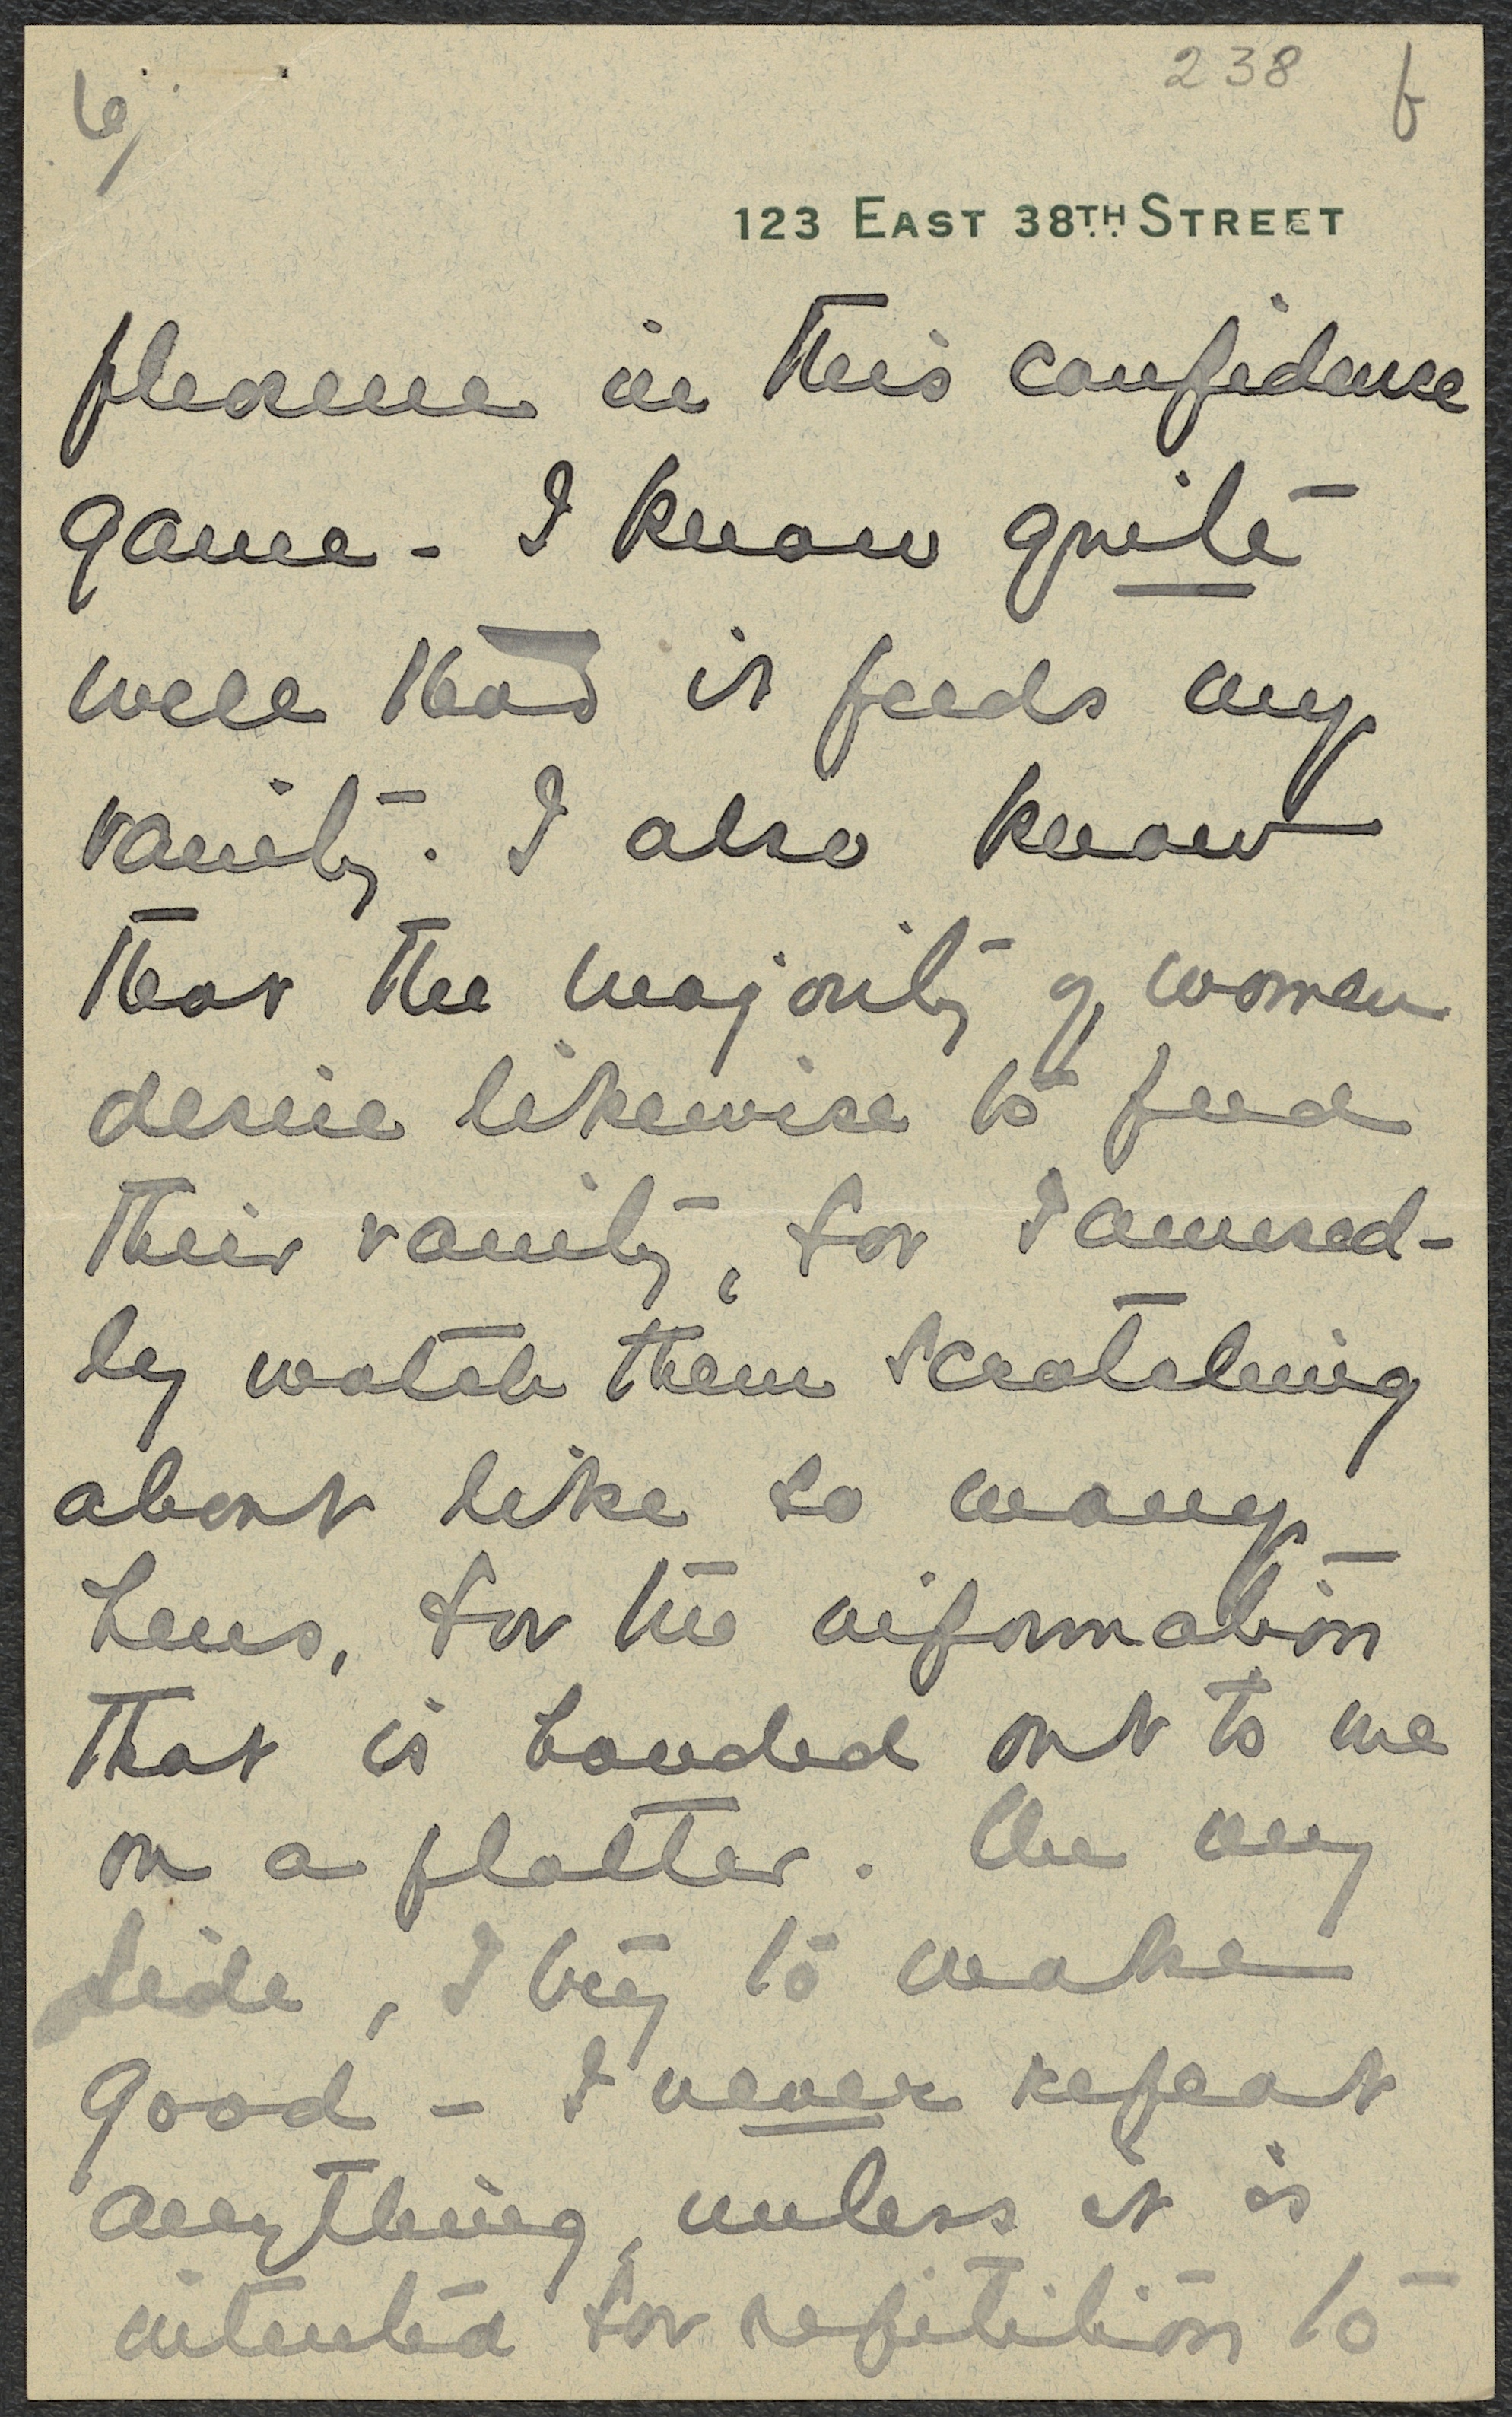[different letterhead: 123 EAST 38TH STREET]
6/
pleasure in this confidence game – I know quite well that it feeds my vanity. I also know that the majority of women desire likewise to feed their vanity, for I amusedly watch them scratching about like so many hens, for the information that is handed out to me on a platter. On my side, I try to make good – I never repeat anything unless it is intended for repitition [sic] to